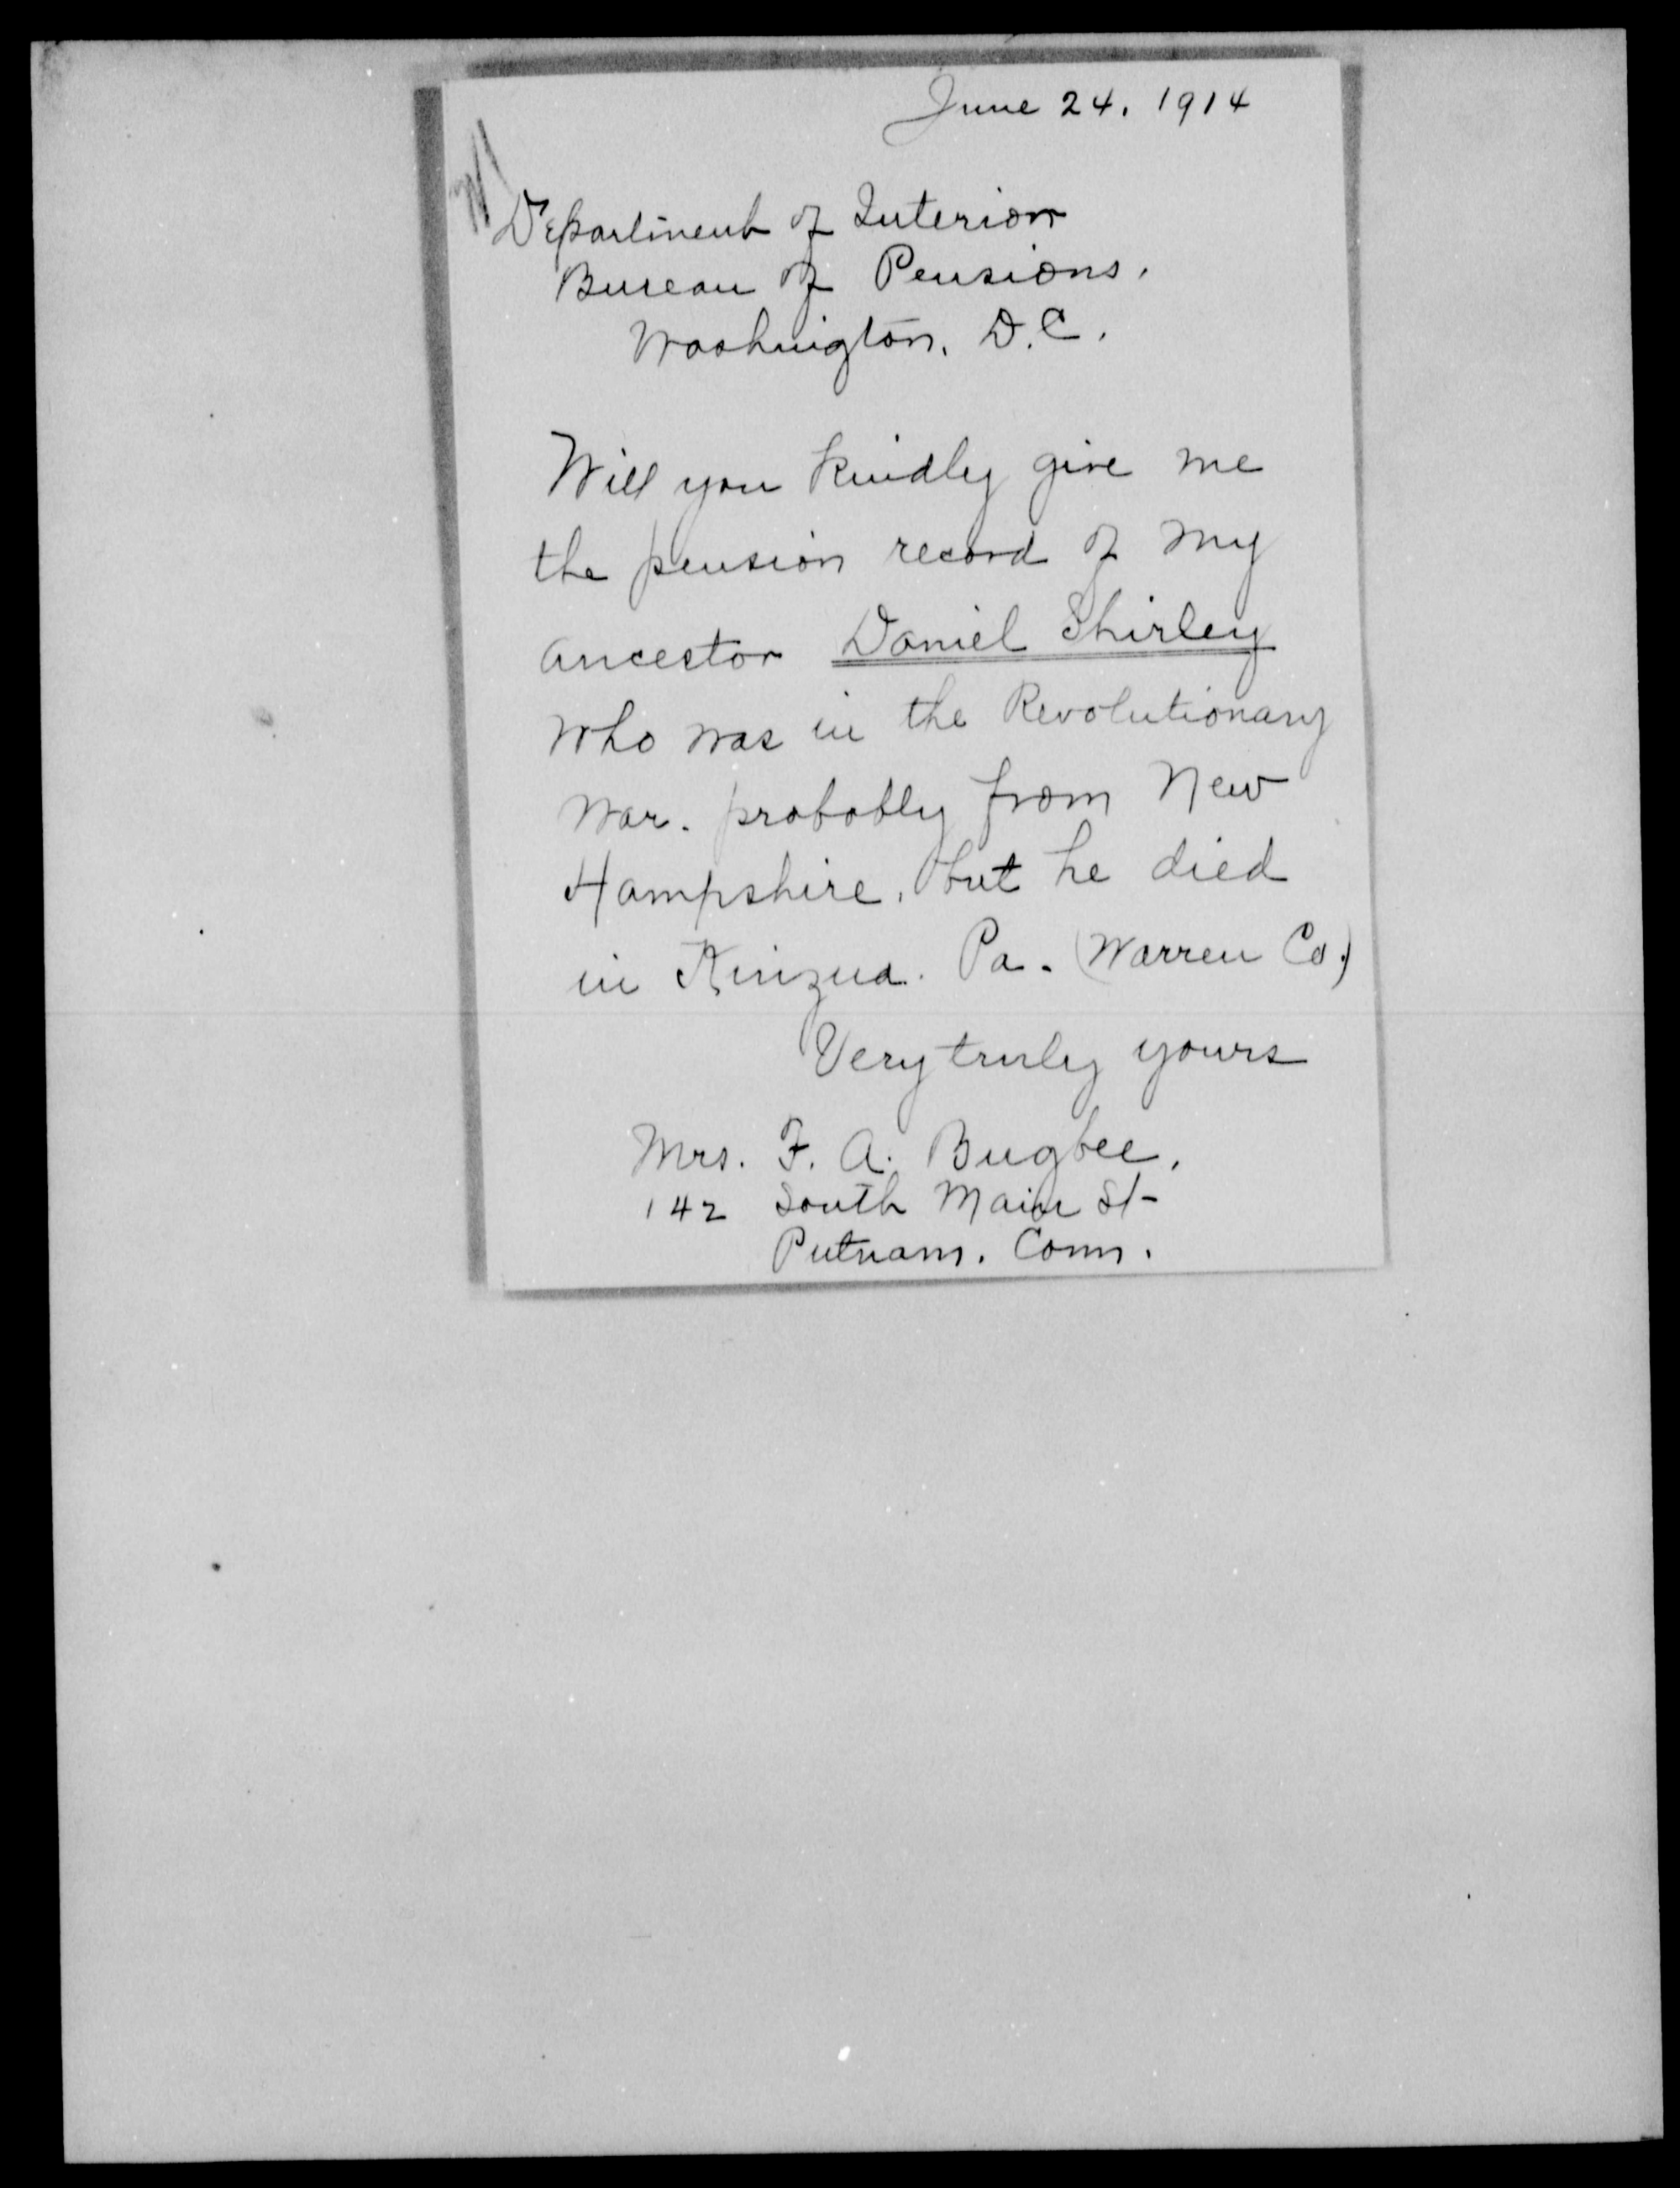June 24, 1914

WI

Department of Interior
Bureau of Pensions,
Washington, D.C.

Will you kindly give me the pension record of my  ancestor Daniel Shirley [name underlined] who was in the Revolutionary War.  probably from New Hampshire, but he died in Kinzua Pa. (Warren Co.)

Very truly yours
Mrs. F. A. Bugbee
142 South Main St
Putnam, Conn.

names: Daniel Shirley; F A Bugbee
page: 19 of 20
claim: survivor's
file: S. 40412, for Daniel Shirley, New Hampshire